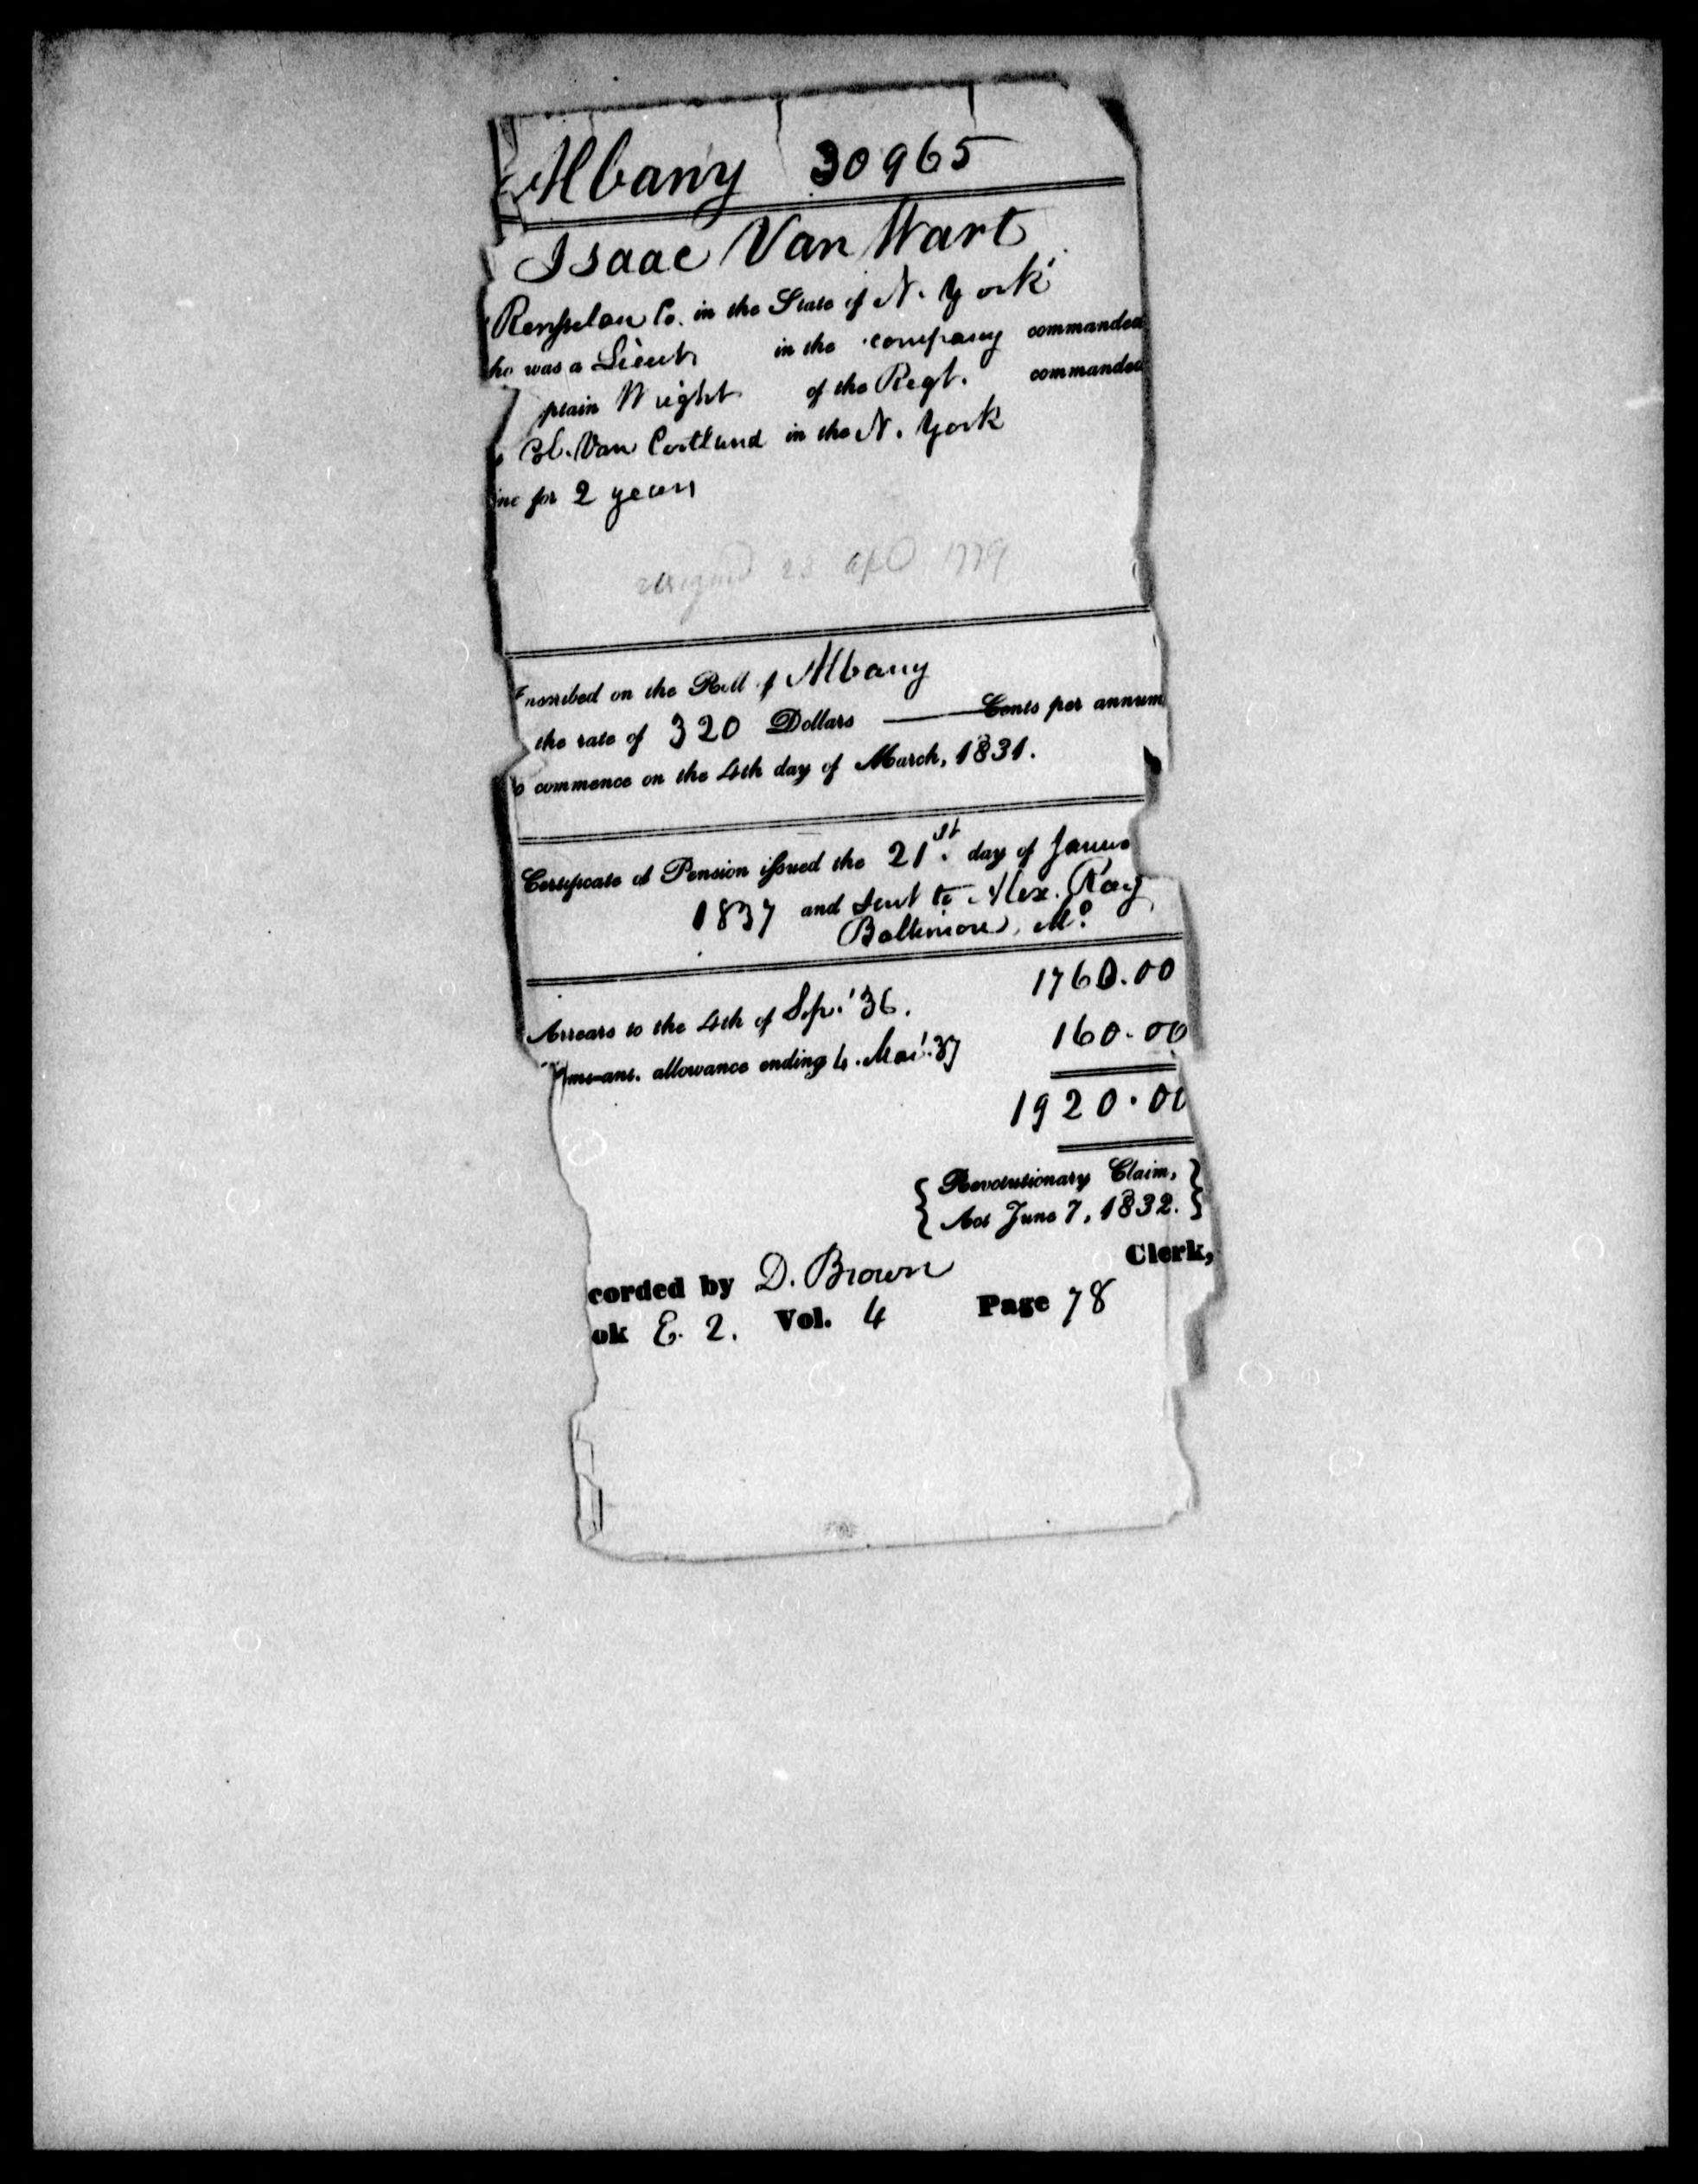Albany 30965 
Isaac Van Wart Rensselaer Co. in the State of N. York who was a Lieut in the company commanded by Captain Wright of the Regt. commanded by Col. Van Cortland in the N. York line for 2 years
assigned 23 Apl 1779 
Inscribed on the Roll of Albany the rate of 320 Dollars ___Cents per annum to commence on the 4th day of March, 1831 
Certificate of Pension issued the 21 day of January 1837 and sent to Alex. Ray Baltimore, Md. 
Arrears to the 4th of Sep. ‘36 1760.00 
Semi-anl. allowance ending 4. Mar ’37 160.00 
[totaling to] 1920.00 
{Revolutionary Claim, June 7, 1832.} 
Recorded by D. Brown Clerk,
Book E. 2.  Vol. 4  Page 78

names: Alex Ray, Wright, Van Cortland, D Brown, Isaac Van Wart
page: 33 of 102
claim: widow's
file: W. 18239, Isaac Van Wart, New York